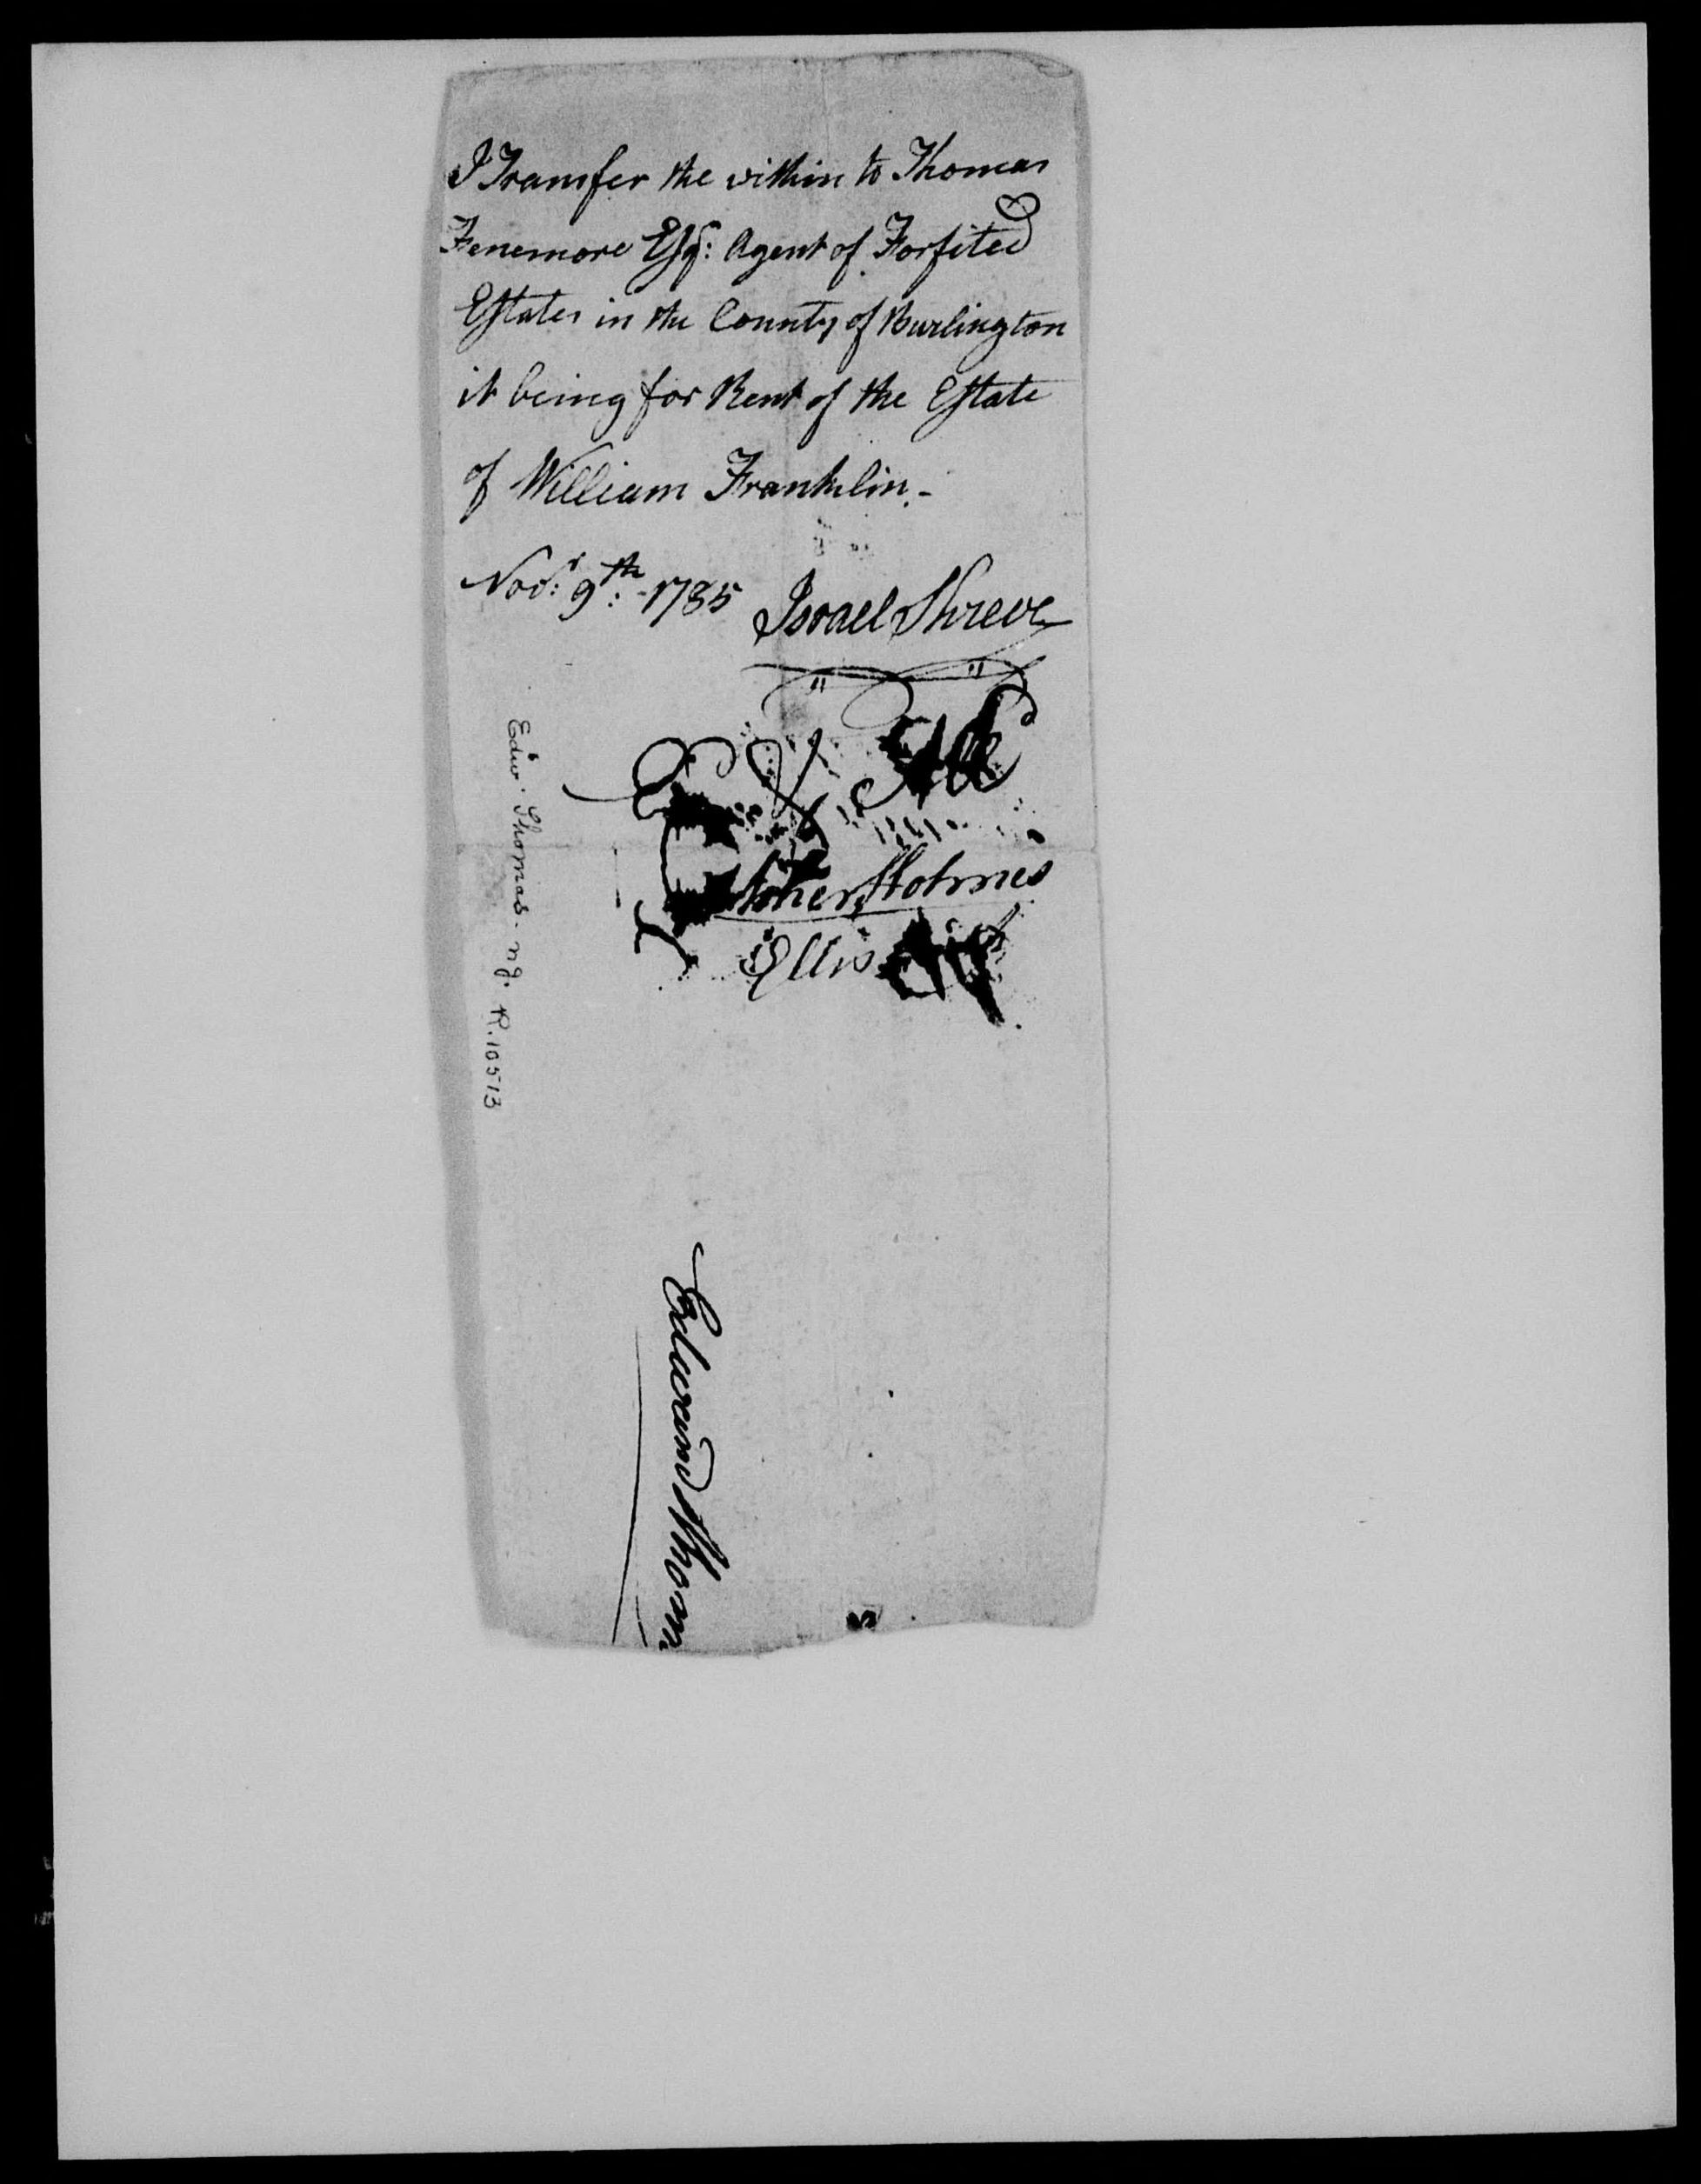I Transfer the within to Thomas Tenimore Esq Agent of Forfited Estates in the County of Burlington it being for Rent of the Estate of William Franklin
Nov 9th 1785
Israel Shreve

[illegible]
[illegible] Holmes
Ellis [illegible]
Edw. thomas NJ R. 10513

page: 18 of 25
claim: rejected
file: R. 10513, for Edward Thomas, New Jersey